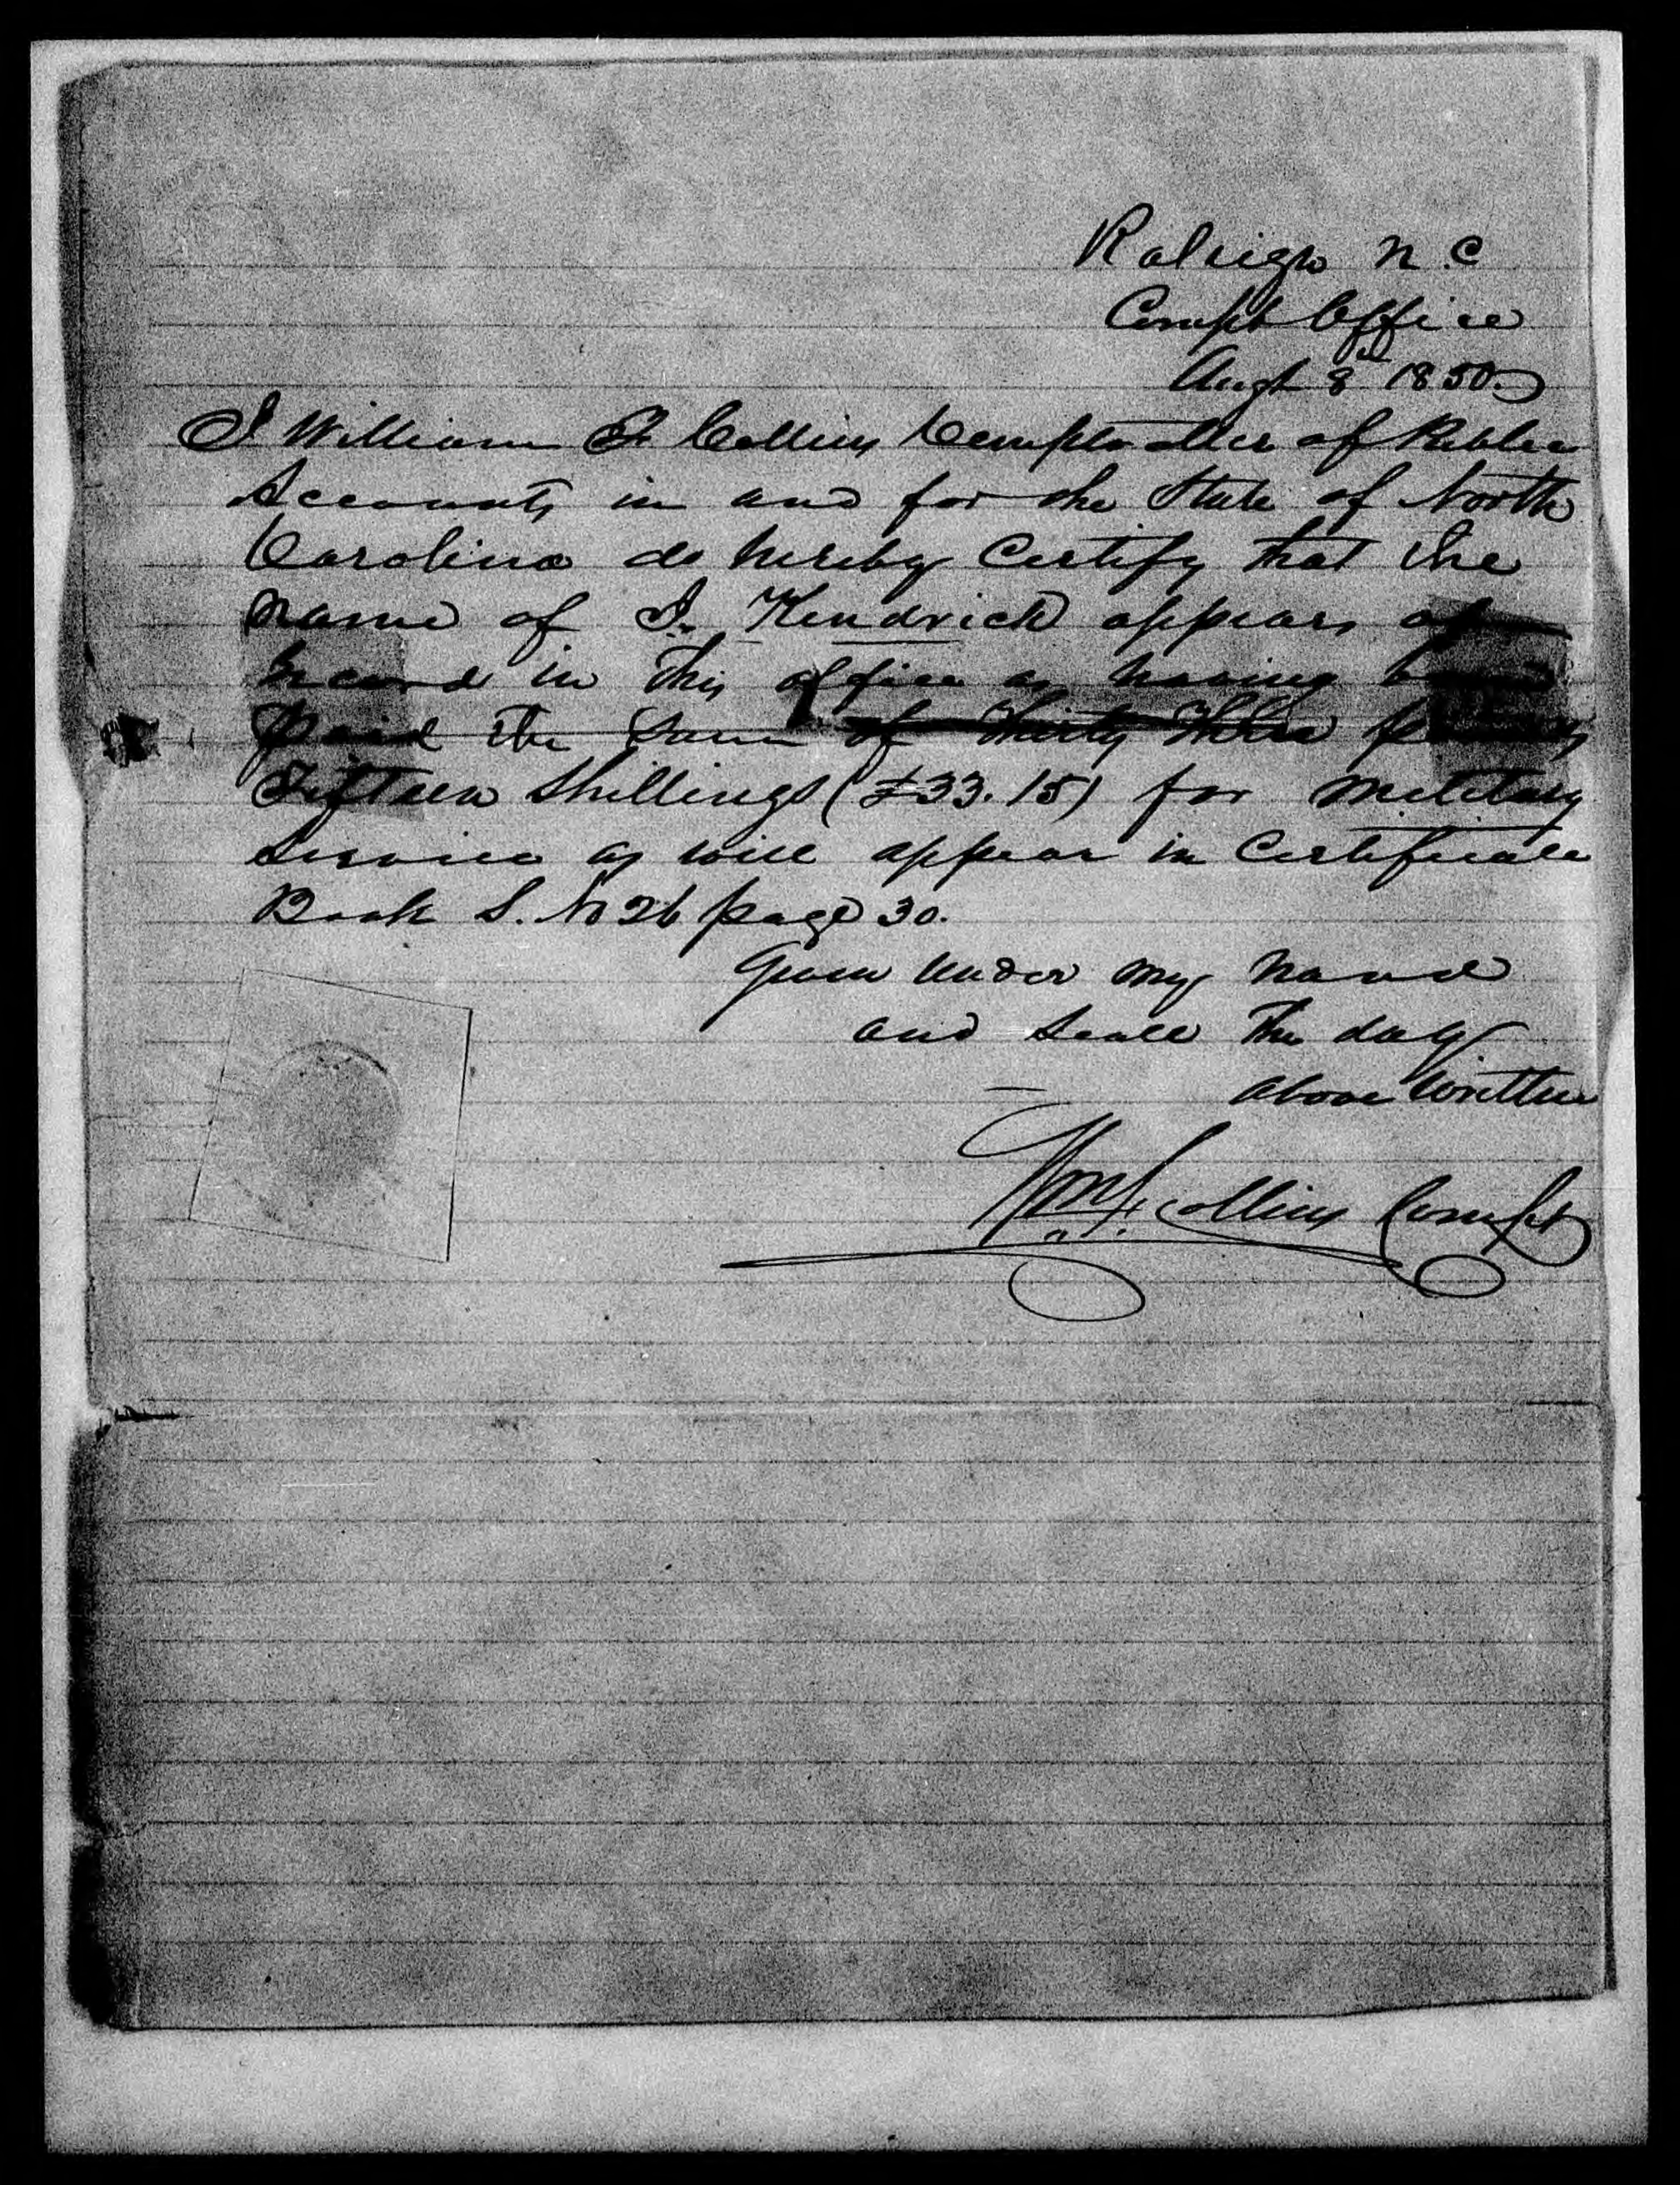Raleigh N.C.
Compt Office
Augt 8th 1850.

I William F. Collins [Collier?] Comptroller of Public
Accounts in and for the State of North
Carolina do hereby certify that the
name of I. Kendrick appears as
records in this office as having been 
paid the sum of Thirty Three pounds
Fifteen shillings (£33.15) for military
service as will appear in Certificate
Book S. No 26 page 30.
Given under my hand 
and seal the day 
above written 

Wm. F Collins Compt.

[seal]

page: 29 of 29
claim: rejected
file: R. 5862, for Isham Kendrick, North Carolina